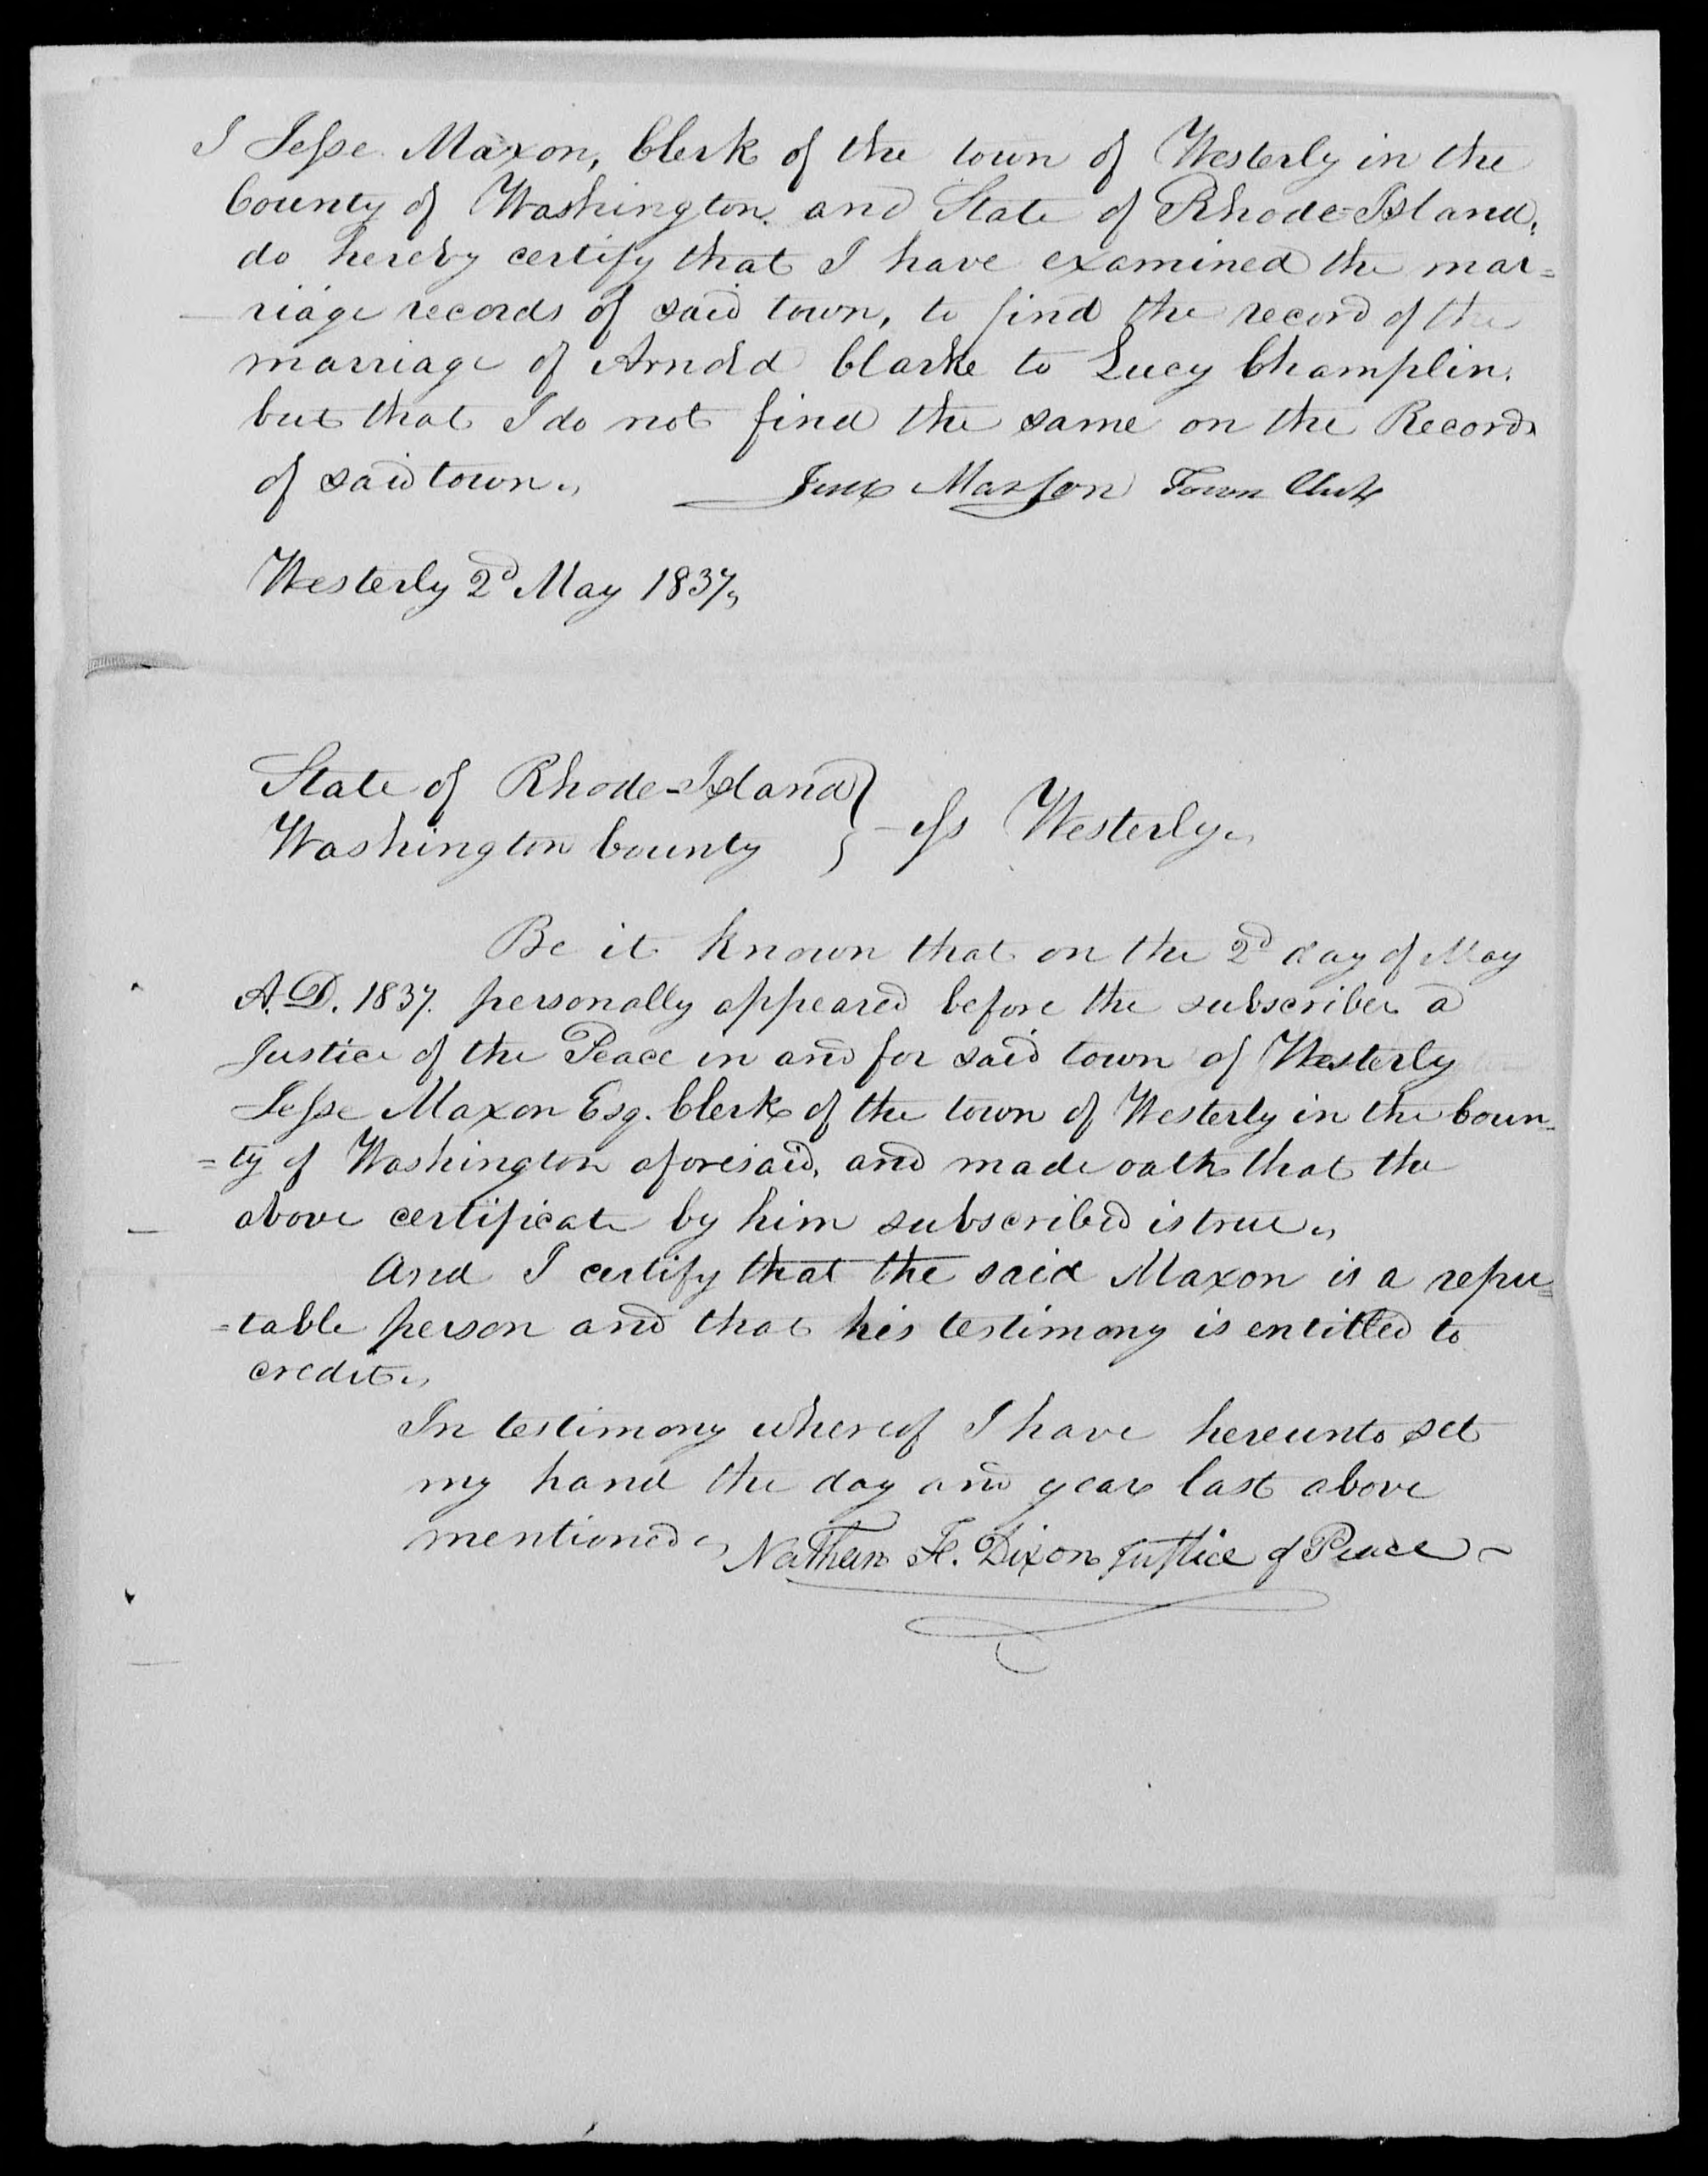I Jesse Maxon, Clerk of the town of Westerly in the county of Washington and state of Rhode Island, do hereby certify that I have examined the marriage records of said town, to find the record of the marriage of Arnold Clarke to Lucy Champlin, but that I do not find the same on the Records of said town.
Jess Maxon Town Clerk
Westerly 2d May 1837

State of Rhode Island Washington County ss Westerly
Be it known that on the 2d day of May A.D. 1837, personally appeared before the subscriber a Justice of the Peace in and for said town of Westerly Jesse Maxon Esq. Clerk of the town of Westerly in the county of Washington aforesaid, and made oath that the above certificate by him subscribed is true.
And I certify that the said Maxon is a reputable person and that his testimony is entitled to credit.
In testimony whereof I have hereunto set my hand the day and year last above mentioned.
Nathan F. Dixon, Justice of Peace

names: Jesse Maxon, Jesse Maxson, Maxon, Lucy Champlin, Arnold Clarke, Nathan F Dixon, Jesse Maxon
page: 45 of 48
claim: widow's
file: W. 17,628, Arnold Clarke, R.I.